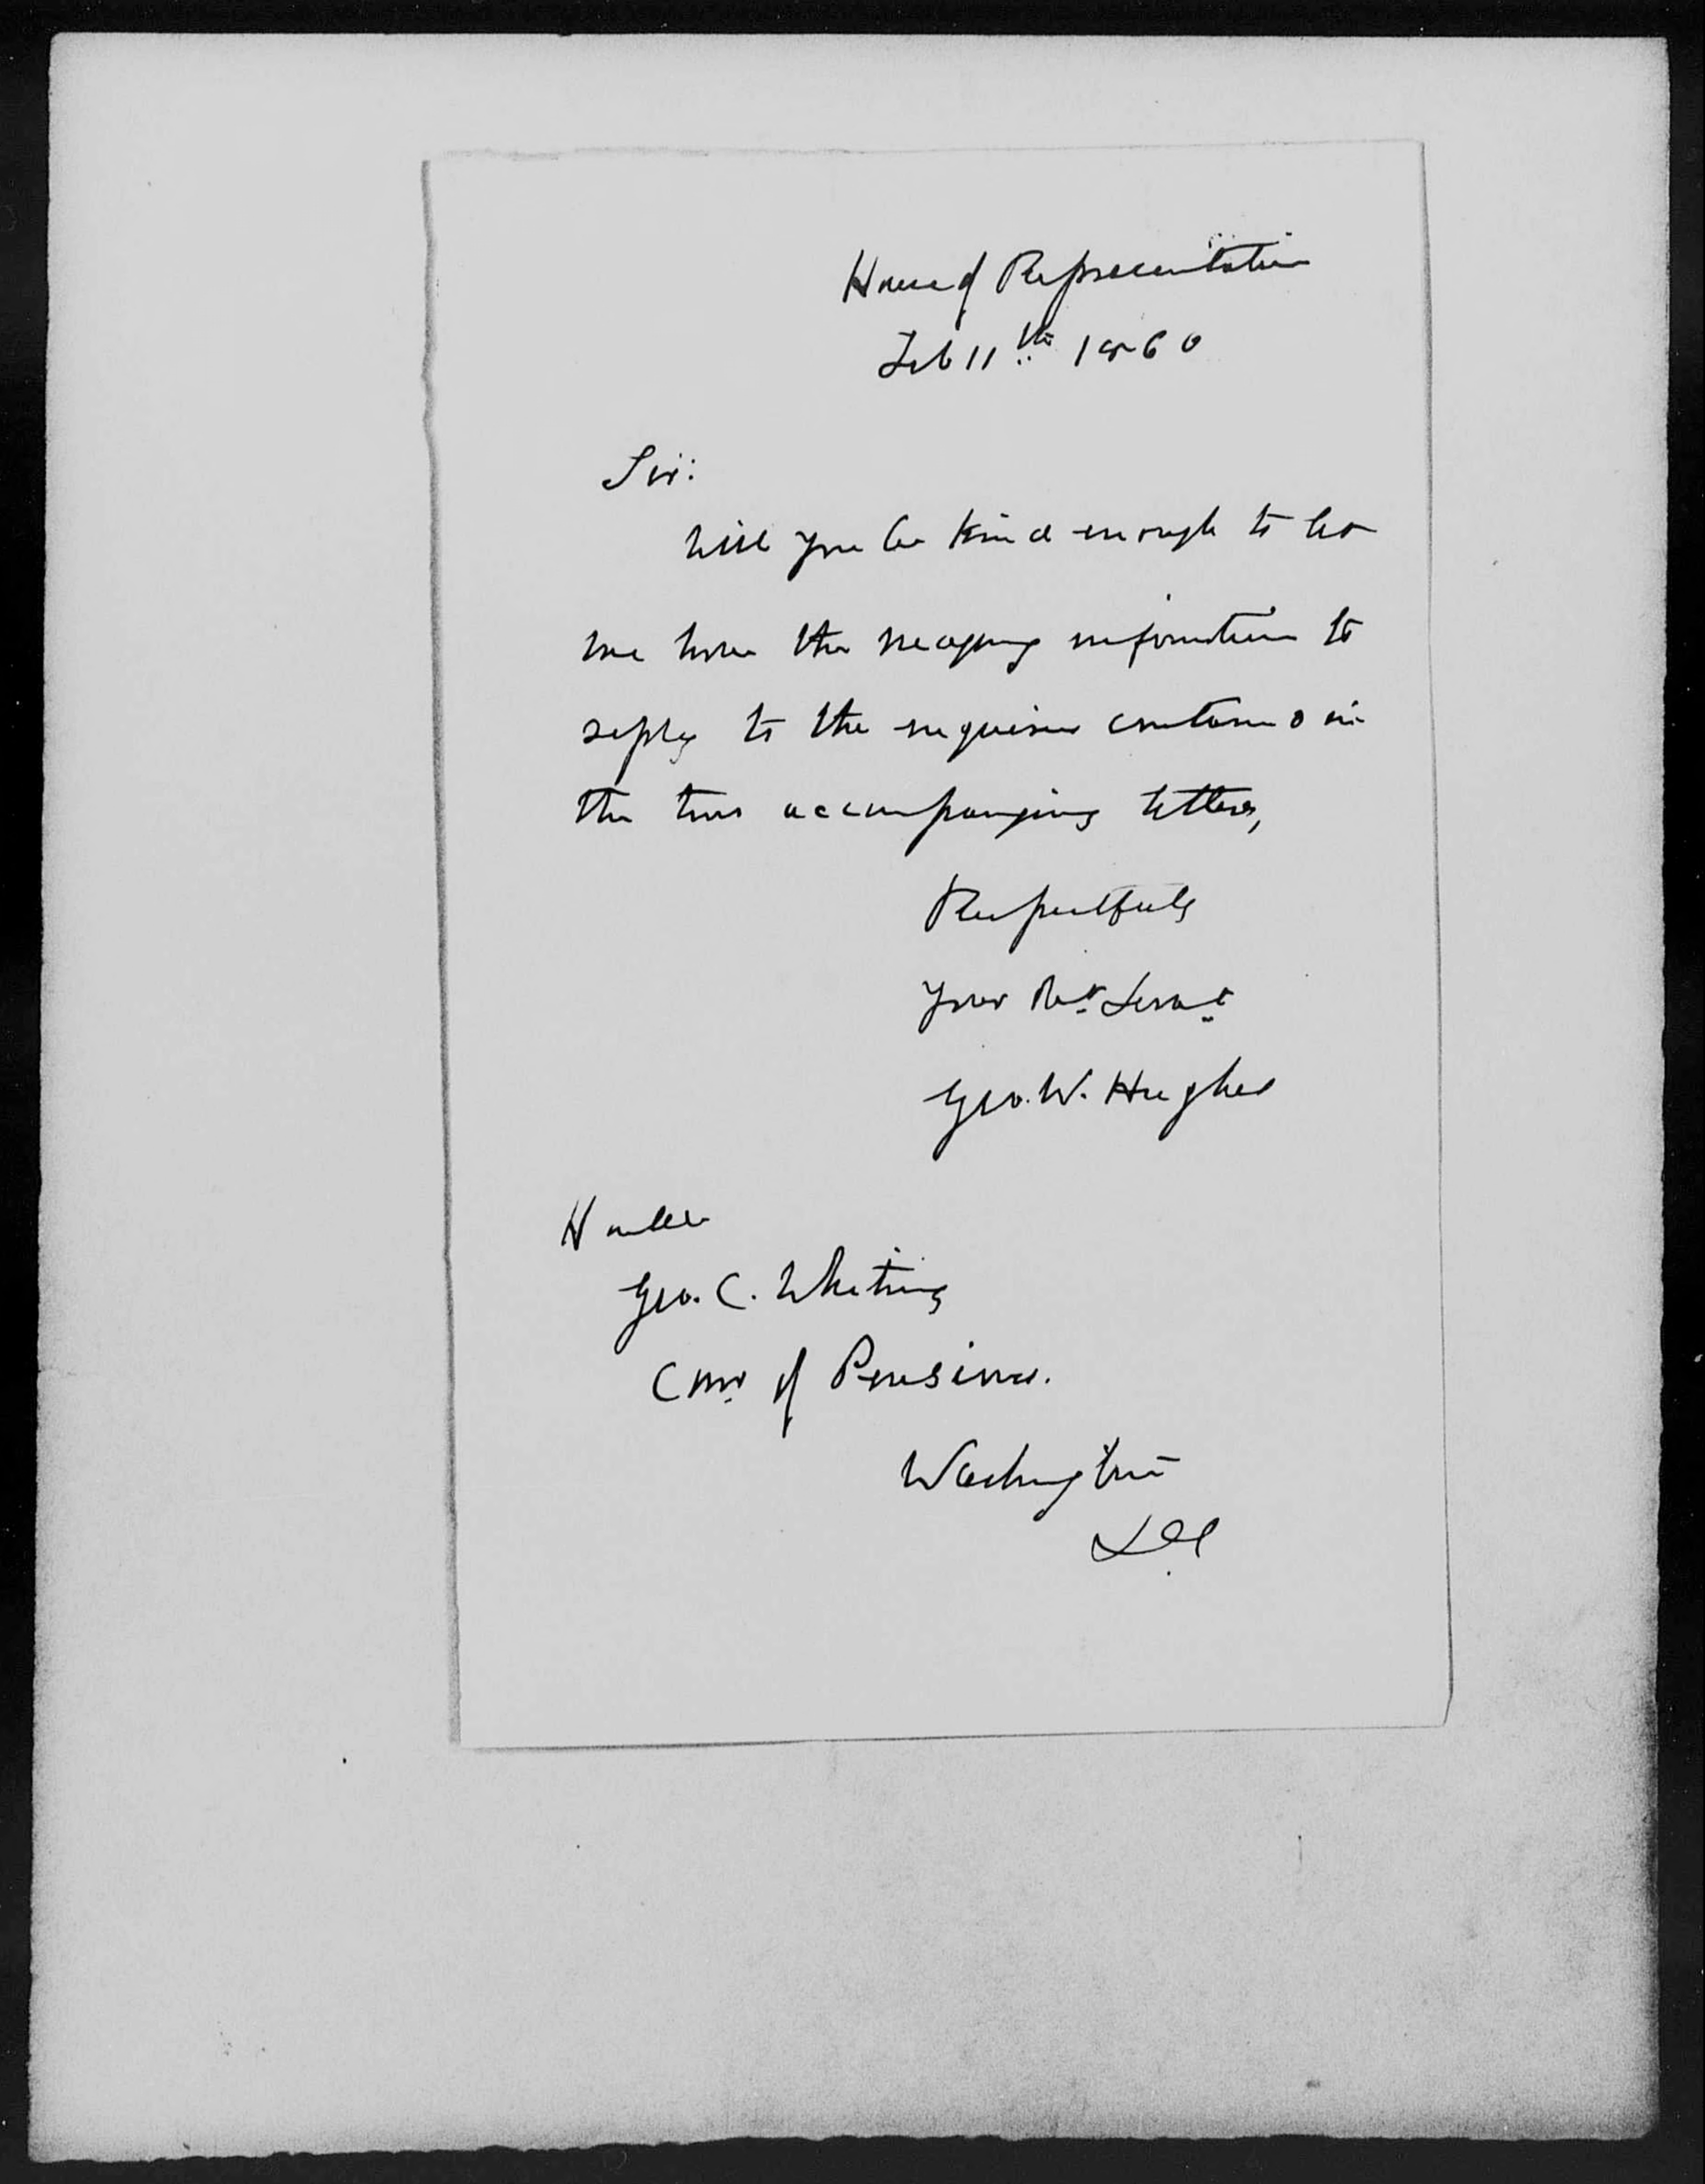House of Representatives
Feb 11, 1860

Sir:

Will you be kind enough to let me know the necessary information to reply to the inquiries contained in the two accompanying letters.

Respectfully
your obedient servant

Geo W Hughes

Honorable
Geo C Whiting
Comm of Pensions
Washington D C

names: Geo C Whiting, Geo W Hughes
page: 38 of 49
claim: survivor's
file: S. 12755, George Dent, Md.